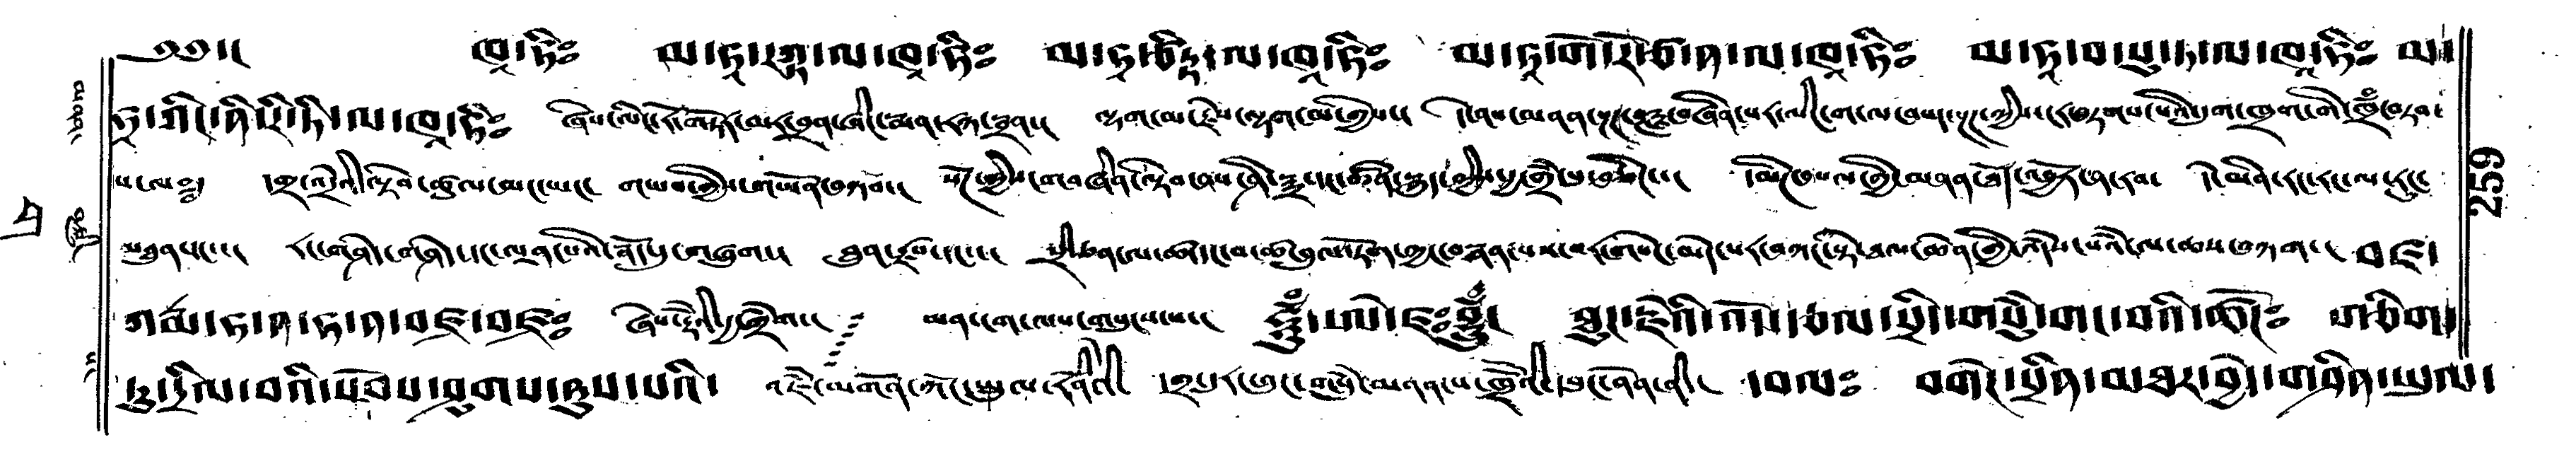ཁཱ་ཧིཿ མ་ཧཱ་རཀྟ་ལ་ཁཱ་ཧིཿ མ་ཧཱ་ཙིཏྟ་ལ་ཁཱ་ཧིཿ མ་ཧཱ་གོ་རོ་ཙ་ན་ལ་ཁཱ་ཧིཿ མ་ཧཱ་བ་སུ་ཏ་ལ་ཁཱ་ཧིཿ མ་
ཧཱ་ཀིང་ནི་རི་ཏི་ལ་ཁཱ་ཧིཿ ཞེས་ལིང་རོ་གཏོར་མར་བྲན་ཞིང་སྨན་རཀ་གིས་བྲན། ཆོགས་ལྷག་བསྡུས་ལ་ལྷག་མའི་མཐར་དབྱུང་། དེ་ནས་མནན་སྔགས་ཟློ་བཞིན་པར་ལིང་ག་ལ་གསང་སྔགས་ཀྱིས་བཏགས་པའི་དུག་ཁྲག་གི་ཁྲམ་བཏབ་
པ་ལཿ དགྲ་འདྲེའི་ལྟེབ་ཚུལ་མང་ཡང་གཡས་ཀྱིས་གཡོན་བཀབ་སོགས་ཀྱིས་ངག་བཞིན་བལྟབས་ནས་ཤི་སྐྲ་དང་ཚོན་སྐུད་ཀྱིས་རྒྱ་གྲམ་དུ་བཅིང་། དམིགས་བསལ་གྱི་མནན་ཐོད་འབྱོར་ན་རབ་དེ་མིན་རང་རང་ལ་རུང་
མཐུན་དང་། རང་གཤེད་དང་ལྡན་པའི་སྣོད་དུ་གཞུག ཐུན་རྫས་དང་། སྲི་ཅན་ལ་ཚྭ་དང་བ་ཚྭ་བུལ་ཏོག་ཀྱང་བསྣན་པས་བར་གསེང་མེད་པར་བཀང་སྟེ་ཐལ་ཆེན་གྱི་གཏམས་པའམ་ལ་ཆས་བཀག བཛྲ་
ཀརྨ་ཧ་ན་ཧ་ན་བཛྲ་བཛྲཿ ཞེས་རྡོ་རྗེའི་རྒྱ་དང་བསྒྲགས་འཇམ་མགོན་ཀོང་སྤྲུལ་རིན་པོ་ཆེའི་མན་ངག་ལས་གསུངས་པའི་དགྲ་དུར་ཕུང་གསུམ་མནན་པ་ཁྲོ་བོའི་དཔུུུང་ནོན་ནི་ཧཱུྃ་ཨེ་ཛཿབྷྲུྃ་ཐུགས་རྗེའི་འོད་རྩལ་སྲིད་གསུམ་གང་བའི་ཚོགསཿ གཅིག་
ཏུ་དྲིལ་བའི་སྟོབས་ཤུགས་ནུས་པའི་དབལཿ བགེགས་སྲིན་མཐར་བྱེད་གཤིན་ཡུལ